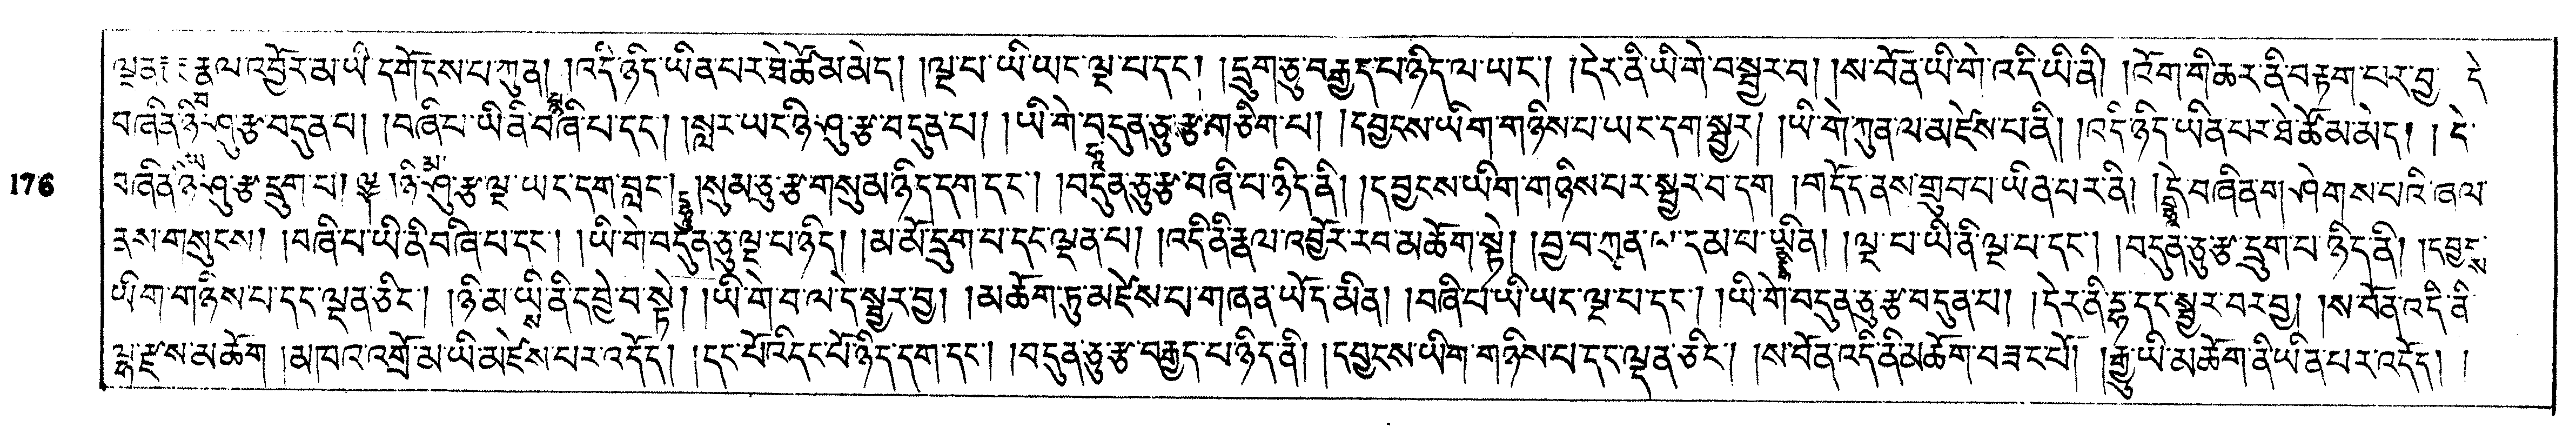ལྡན༑ ༑རྣལ་འབྱོར་མ་ཡི་དགོངས་པ་ཀུན། །འདི་ཉིད་ཡིན་པར་ཐེ་ཚོམ་མེད། །ལྔ་པ་ཡི་ཡང་ལྔ་པ་དང་། །དྲུག་ཅུ་བརྒྱད་པ་ཉིད་ལ་ཡང་། །དེར་ནི་ཡི་གེ་བ་སྦྱར་བ། །ས་བོན་ཡི་གེ་འདི་ཡི་ནི། །འོག་གི་ཆར་ནི་བརྟག་པར་བྱ། དེ་
བཞིན་ཉི་ཤུ་རྩ་བདུན་པ། །བཞི་པ་ཡི་ནི་བཞི་པ་དང་། །སླར་ཡང་ཉི་ཤུ་རྩ་བདུན་པ། །ཡི་གེ་བདུན་ཅུ་རྩ་གཅིག་པ། །དབྱངས་ཡིག་གཉིས་པ་ཡང་དག་སྦྱར། །ཡི་གེ་ཀུན་ལ་མཛེས་པ་ནི། །འདི་ཉིད་ཡིན་པར་ཐེ་ཚོམ་མེད། །དེ་
བཞིན་ཉི་ཤུ་རྩ་དྲུག་པ། ༈ །ཉི་ཤུ་རྩ་ལྔ་ཡང་དག་བླང་། །སུམ་ཅུ་རྩ་གསུམ་ཉིད་དག་དང་། །བདུན་ཅུ་རྩ་བཞི་པ་ཉིད་ནི། །དབྱངས་ཡིག་གཉིས་པར་སྦྱར་བ་དག །གདོད་ནས་གྲུབ་པ་ཡིན་པར་ནི། །དེ་བཞིན་གཤེགས་པའི་ཞལ་
ནས་གསུངས། །བཞི་པ་ཡི་ནི་བཞི་པ་དང་། །ཡི་གེ་བདུན་ཅུ་ལྔ་པ་ཉིད། །མ་མོ་དྲུག་པ་དང་ལྡན་པ། །འདི་ནི་རྣལ་འབྱོར་རབ་མཆོག་སྟེ། །བྱ་བ་ཀུན་ལ་དམ་པ་ཡིན། །ལྔ་པ་ཡི་ནི་ལྔ་པ་དང་། །བདུན་ཅུ་རྩ་དྲུག་པ་ཉིད་ནི། །དབྱངས་
ཡིག་གཉིས་པ་དང་ལྡན་ཅིང་། །ཉི་མ་ཡིས་ནི་དབྱེ་བ་སྟེ། །ཡི་གེ་བ་ལ་དེ་སྦྱར་བྱ། །མཆོག་ཏུ་མཛེས་པ་གཞན་ཡོད་མིན། །བཞི་པ་ཡི་ཡང་ལྔ་པ་དང་། །ཡི་གེ་བདུན་ཅུ་རྩ་བདུན་པ། །དེར་ནི་དྷ་དང་སྦྱར་བར་བྱ། །ས་བོན་འདི་ནི་
ལྷ་རྫས་མཆོག །མཁའ་འགྲོ་མ་ཡི་མཛེས་པར་འདོད། །དང་པོའི་དང་པོ་ཉིད་དག་དང་། །བདུན་ཅུ་རྩ་བརྒྱད་པ་ཉིད་ནི། །དབྱངས་ཡིག་གཉིས་པ་དང་ལྡན་ཅིང་། །ས་བོན་འདི་ནི་མཆོག་བཟང་པོ། །རྒྱུ་ཡི་མཆོག་ནི་ཡིན་པར་འདོད། །